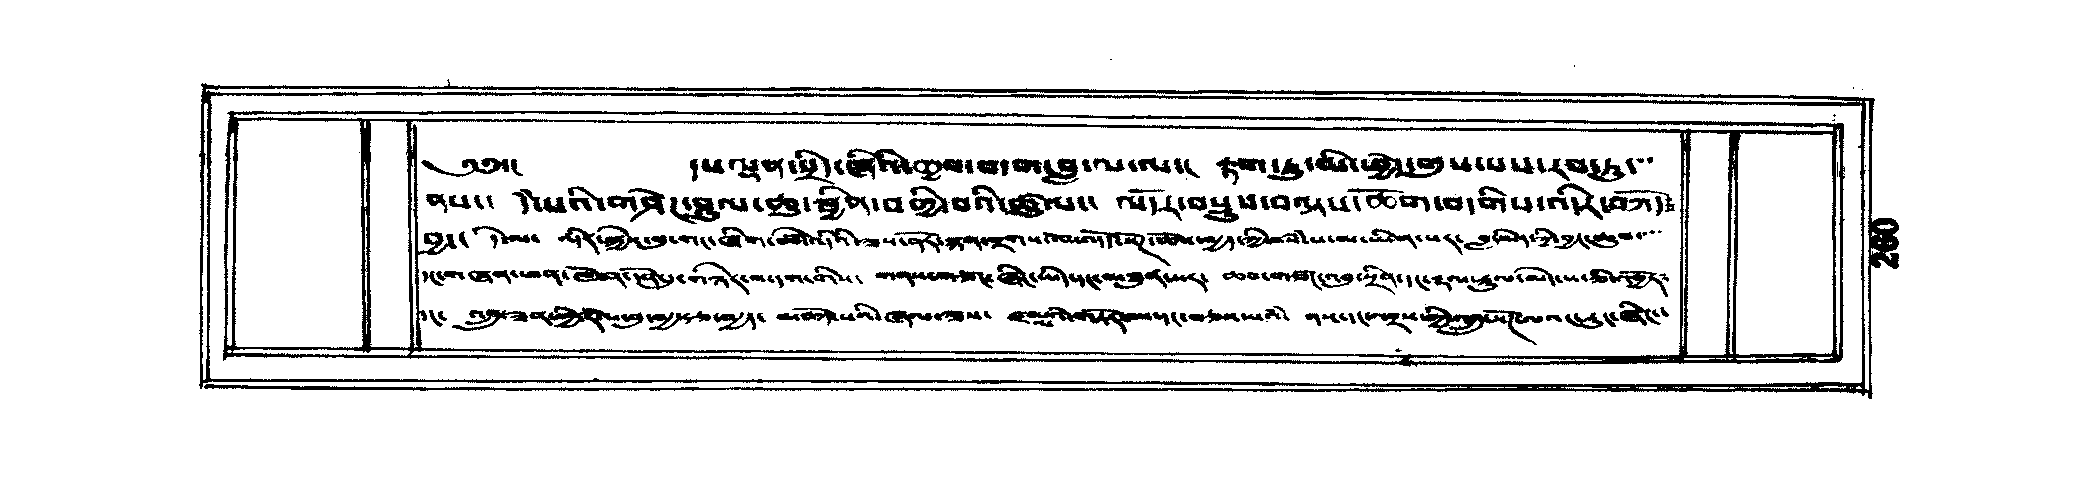དཔལ་ལྡན་སྲིད་ཞིའི་ཁྱབ་བདག་བླ་མ་ལ། །རྟག་ཏུ་མི་ཕྱེད་གུས་པས་རབ་བཏུད་
ནས། །དམ་པའི་གཤེགས་ཤུལ་ཆུ་སྦྱིན་བགྱི་བའི་ཚུལ། །མདོར་བསྡུས་བལྟས་ཆོག་བདག་གིས་འདིར་བཀོད་
བྱ། །དེ་ལ་འདིར་སྐྱེས་བུ་གང་ཞིག་ཚེ་འདིའི་ཟས་ནོར་སྙན་གྲགས་ལོ་འདོད་སོགས་ཆོས་བརྒྱད་ཀྱིས་བསམ་པ་མ་ཡིན་པར། བླ་མེད་ཀྱི་བྱང་ཆུབ་
དང་གཞན་ཕན་ཁོ་ན་དོན་དུ་གཉེར་བ་དག་གིས། གནས་གཙང་ཞིང་ཡིད་དང་མཐུན་པར། ཆབ་གཙང་འབུ་སྲིན་དང་དྷལ་རྡུལ་མེད་པ་ཅི་འབྱོར་
དང་། འབྲུ་ཟན་གྱི་རིལ་བུ་བརྒྱ་རྩ་བརྒྱད། མཆོད་པའི་ཞལ་ཟས། ཛམ་ལའི་གཏོར་མ་དང་བཅས་པའམ། ནས་དང་འབྲས་ཀྱི་འབྲུ་སོགས་ལའང་རུང་ཞིང་